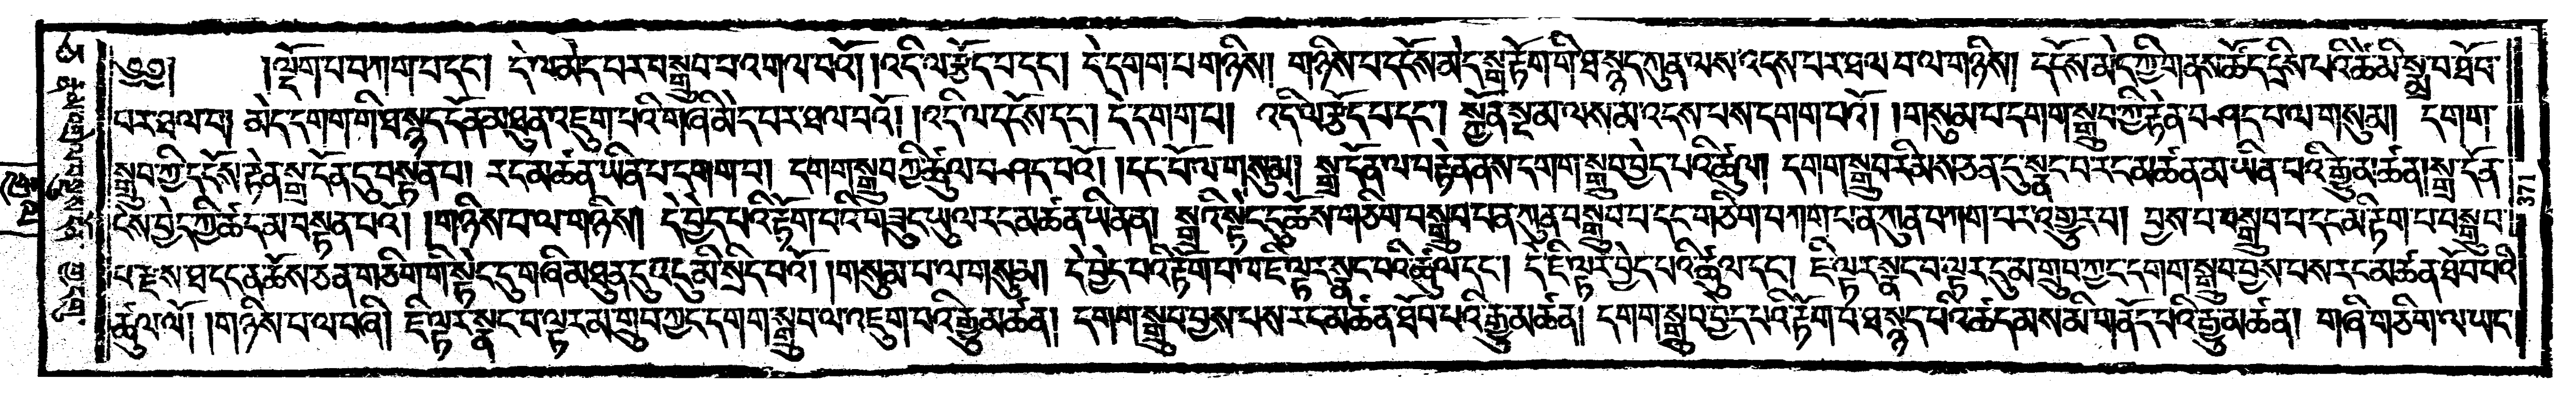༄༅། །ལྡོག་པ་བཀག་པ་དང་། དེ་ལ་མེད་པར་བསྒྲུབ་པ་འགལ་བའོ། །འདི་ལ་རྩོད་པ་དང་། དེ་དགག་པ་གཉིས། གཉིས་པ་དངོས་མེད་སྒ་རྟོག་གི་ཐ་སྙད་ཀུན་ལས་འདས་པར་ཐལ་བ་ལ་གཉིས། དངོས་མེད་ཀྱི་གནས་ཚོད་དྲིས་པའི་ཚེ་མི་སྨྲ་བ་ཐོབ་
པར་ཐལ་བ། མེད་དགག་གི་ཐ་སྙད་དོན་མཐུན་འཇུག་པའི་གཞི་མེད་པར་ཐལ་བའོ། །འདི་ལ་དངོས་དང་། དེ་དགག་པ། འདི་ལ་རྩོད་པ་དང་། སྐྱོན་སྔ་མ་ལས་མ་འདས་པས་དགག་པའོ། །གསུམ་པ་དགག་སྒྲུབ་ཀྱི་རྟེན་བཤད་པ་ལ་གསུམ། དགག་
སྒྲུབ་ཀྱི་དངོས་རྟེན་སྒྲ་དོན་དུ་བསྟན་པ། རང་མཚན་ཡིན་པ་དགག་པ། དགག་སྒྲུབ་ཀྱི་ཚུལ་བཤད་པའོ། །དང་པོ་ལ་གསུམ། སྒྲ་དོན་ལ་བརྟེན་ནས་དགག་སྒྲུབ་བྱེད་པའི་ཚུལ། དགག་སྒྲུབ་རིམ་ཅན་དུ་སྣང་བ་རང་མཚན་མ་ཡིན་པའི་རྒྱུ་མཚན། སྒྲ་དོན་
ངེས་བྱེད་ཀྱི་ཚད་མ་བསྟན་པའོ། །གཉིས་པ་ལ་གཉིས། དེ་བྱེད་པའི་རྟོག་པའི་གཟུང་ཡུལ་རང་མཚན་ཡིན་ན། སྒྲའི་སྟེང་དུ་ཆོས་གཅིག་བསྒྲུབ་པ་ན་ཀུན་བསྒྲུབ་པ་དང་གཅིག་བཀག་པ་ན་ཀུན་བཀག་པར་འགྱུར་བ། བྱས་པ་བསྒྲུབ་པ་དང་མི་རྟག་པ་བསྒྲུབ་
པ་རྫས་ཐ་དད་ན་ཆོས་ཅན་གཅིག་གི་སྟེང་དུ་གཞི་མཐུན་དུ་འདུ་མི་སྲིད་པའོ། །གསུམ་པ་ལ་གསུམ། དེ་བྱེད་པའི་རྟོག་པ་ལ་ཇི་ལྟར་སྣང་བའི་ཚུལ་དང་། དེ་ཇི་ལྟར་བྱེད་པའི་ཚུལ་དང་། ཇི་ལྟར་སྣང་བ་ལྟར་དུ་མ་གྲུབ་ཀྱང་དགག་སྒྲུབ་བྱས་པས་རང་མཚན་ཐོབ་པའི་
ཚུལ་ལོ། །གཉིས་པ་ལ་བཞི། ཇི་ལྟར་སྣང་བ་ལྟར་མ་གྲུབ་ཀྱང་དགག་སྒྲུབ་ལ་འཇུག་པའི་རྒྱུ་མཚན། དགག་སྒྲུབ་བྱས་པས་རང་མཚན་ཐོབ་པའི་རྒྱུ་མཚན། དགག་སྒྲུབ་བྱེད་པའི་རྟོག་པ་ཐ་སྙད་པའི་ཚད་མས་མི་གནོད་པའི་རྒྱུ་མཚན། གཞི་གཅིག་ལ་ཡང་